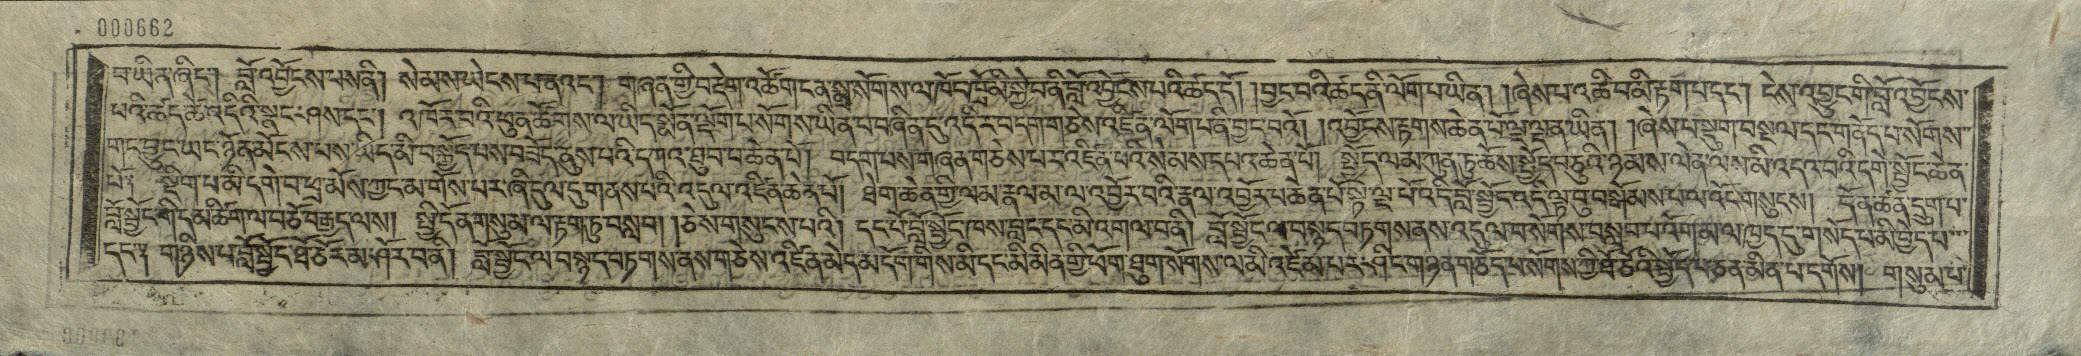བ་ཡིན་ཞིང་། བློ་འབྱོང་?་ས་པས་ནི། སེམས་ཡེངས་པ་ནའང་། གཞན་གྱི་བརྡེག་འཚོག་ངན་སྨྲ་སོགས་ལ་ཁོང་ཁྲོ་མི་སྐྱེ་བ་ནི་བློ་འབྱོངས་པའི་ཚད་དོ། །བྱང་བའི་ཚད་ནི་ལོག་པ་ཡིན། །ཞེས་པ་འཆི་བ་མི་རྟག་པ་དང་། ངེས་འབྱུང་གི་བློ་འབྱོངས་
པའི་ཚད་ཚེ་འདིའི་སྣང་ཤས་དང་། འཁོར་བའི་ཕུན་ཚོགས་ལ་ཡིད་སྨོན་ལྡོག་པ་སོགས་ཡིན་པ་བཞིན་དུ་འདིར་བདག་གཅེས་འཛིན་ལོག་པ་ནི་བྱང་བའོ། །འབྱོངས་རྟགས་ཆེན་པོ་ལྔ་ལྡན་ཡིན། །ཞེས་པ་སྡུག་བསྔལ་དང་གནོད་པ་སོགས་
གང་བྱུང་ཡང་ཉོན་མོངས་པས་ཡིད་མི་བསྐྱོད་པས་བཟོད་ནུས་པའི་དཀའ་ཐུབ་པ་ཆེན་པོ། བདག་པས་གཞན་གཅེས་པར་འཛིན་པའི་སེམས་དཔའ་ཆེན་པོ། སྤྱོད་ལམ་ཀུན་ཏུ་ཆོས་སྤྱོད་བཅུའི་ཉམས་ལེན་ལས་མི་འདའ་བའི་དགེ་སྦྱོང་ཆེན་
པོ༑ སྡིག་པ་མི་དགེ་བ་ཕྲ་མོས་ཀྱང་མ་གོས་པར་ཞི་དུལ་དུ་གནས་པའི་འདུལ་འཛིན་ཆེན་པོ། ཐེག་ཆེན་གྱི་ལམ་རྣལ་མ་ལ་འབྱོར་བའི་རྣལ་འབྱོར་པ་ཆེན་པོ་སྟེ་ལྔ་པོ་འདི་བློ་སྦྱོང་འདི་ལྟ་བུ་བསྒོམས་པ་ལ་འོང་གསུངས། དོན་ཚན་དྲུག་པ་
བློ་སྦྱོང་གི་དམ་ཚིག་ལ་བཅོ་བརྒྱད་ལས། སྤྱི་དོན་གསུམ་ལ་རྟག་ཏུ་བསླབ། །ཅེས་གསུངས་པའི། དང་པོ་བློ་སྦྱོང་ཁས་བླང་དང་མི་འགལ་བ་ནི། བློ་སྦྱོང་ལ་བསྙད་བཏགས་ནས་འདུལ་བ་སོགས་བསླབ་པ་འོག་མ་ལ་ཁྱད་དུ་གསོད་པ་མི་བྱེད་པ་
དང༑ གཉིས་པ་བློ་སྦྱོང་ཐོབ་ཅོར་མ་ཤོར་བ་ནི། བློ་སྦྱོང་ལ་བསྙད་བཏགས་ནས་གཅེས་འཛིན་མེད་མདོག་གིས་མི་དང་མི་མིན་གྱི་ཕོག་ཐུག་སོགས་ལ་མི་འཛེམ་པར་ཤིང་གཉན་གཅོད་པ་སོགས་ཀྱི་ཐོ་ཅོའི་སྤྱོད་པ་ཅན་མིན་པ་དགོས། གསུམ་པ་